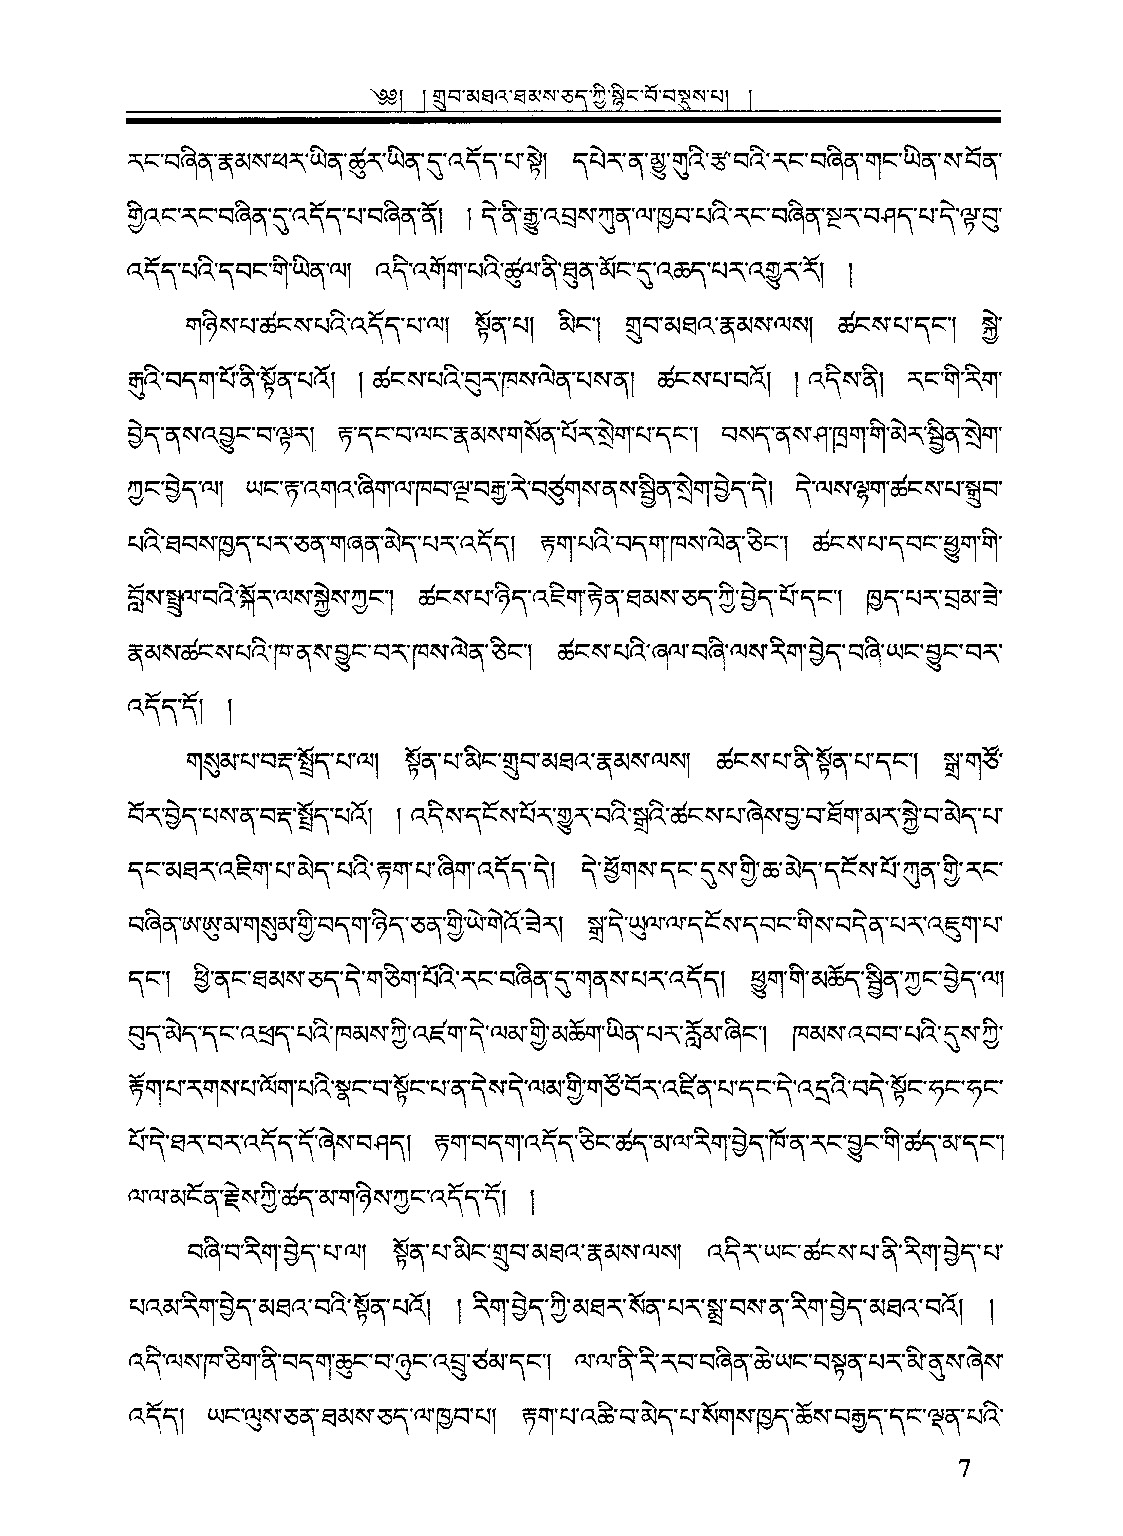རང་བཞིན་རྣམས་ཕར་ཡིན་ཚུར་ཡིན་དུ་འདོད་པ་སྟེ། དཔེར་ན་མྱུ་གུའི་རྩ་བའི་རང་བཞིན་གང་ཡིན་ས་བོན་
གྱིའང་རང་བཞིན་དུ་འདོད་པ་བཞིན་ནོ། །དེ་ནི་རྒྱུ་འབྲས་ཀུན་ལ་ཁྱབ་པའི་རང་བཞིན་སྔར་བཤད་པ་དེ་ལྟ་བུ་
འདོད་པའི་དབང་གི་ཡིན་ལ། འདི་འགོག་པའི་ཚུལ་ནི་ཐུན་མོང་དུ་འཆད་པར་འགྱུར་རོ། །
གཉིས་པ་ཚངས་པའི་འདོད་པ་ལ། སྟོན་པ། མིང་། གྲུབ་མཐའ་རྣམས་ལས། ཚངས་པ་དང་། སྐྱེ་
རྒུའི་བདག་པོ་ནི་སྟོན་པའོ། །ཚངས་པའི་བུར་ཁས་ལེན་པས་ན། ཚངས་པ་བའོ། །འདིས་ནི། རང་གི་རིག་
བྱེད་ནས་འབྱུང་བ་ལྟར། རྟ་དང་བ་ལང་རྣམས་གསོན་པོར་སྲེག་པ་དང་། བསད་ནས་ཤ་ཁྲག་གི་མེར་སྦྱིན་སྲེག་
ཀྱང་བྱེད་ལ། ཡང་རྟ་འགའ་ཞིག་ལ་ཁབ་ལྔ་བརྒྱ་རེ་བཙུགས་ནས་སྦྱིན་སྲེག་བྱེད་དེ། དེ་ལས་ལྷག་ཚངས་པ་སྒྲུབ་
པའི་ཐབས་ཁྱད་པར་ཅན་གཞན་མེད་པར་འདོད། རྟག་པའི་བདག་ཁས་ལེན་ཅིང་། ཚངས་པ་དབང་ཕྱུག་གི་
བློས་སྤྲུལ་བའི་སྐོར་ལས་སྐྱེས་ཀྱང་། ཚངས་པ་ཉིད་འཇིག་རྟེན་ཐམས་ཅད་ཀྱི་བྱེད་པོ་དང་། ཁྱད་པར་བྲམ་ཟེ་
རྣམས་ཚངས་པའི་ཁ་ནས་བྱུང་བར་ཁས་ལེན་ཅིང་། ཚངས་པའི་ཞལ་བཞི་ལས་རིག་བྱེད་བཞི་ཡང་བྱུང་བར་
འདོད་དོ། །
གསུམ་པ་བརྡ་སྤྲོད་པ་ལ། སྟོན་པ་མིང་གྲུབ་མཐའ་རྣམས་ལས། ཚངས་པ་ནི་སྟོན་པ་དང་། སྒྲ་གཙོ་
བོར་བྱེད་པས་ན་བརྡ་སྤྲོད་པའོ། །འདིས་དངོས་པོར་གྱུར་བའི་སྒྲའི་ཚངས་པ་ཞེས་བྱ་བ་ཐོག་མར་སྐྱེ་བ་མེད་པ་
དང་མཐར་འཇིག་པ་མེད་པའི་རྟག་པ་ཞིག་འདོད་དེ། དེ་ཕྱོགས་དང་དུས་གྱི་ཆ་མེད་དངོས་པོ་ཀུན་གྱི་རང་
བཞིན་ཨ་ཨུ་མ་གསུམ་གྱི་བདག་ཉིད་ཅན་གྱི་ཡེ་གེའོ་ཟེར། སྒྲ་དེ་ཡུལ་ལ་དངོས་དབང་གིས་བདེན་པར་འཇུག་པ་
དང་། ཕྱི་ནང་ཐམས་ཅད་དེ་གཅིག་པོའི་རང་བཞིན་དུ་གནས་པར་འདོད། ཕྱུག་གི་མཆོད་སྦྱིན་ཀྱང་བྱེད་ལ།
བུད་མེད་དང་འཕྲད་པའི་ཁམས་ཀྱི་འཛག་དེ་ལམ་གྱི་མཆོག་ཡིན་པར་རློམ་ཞིང་། ཁམས་འབབ་པའི་དུས་ཀྱི་
རྟོག་པ་རགས་པ་ལོག་པའི་སྣང་བ་སྟོང་པ་ན་དེས་དེ་ལམ་གྱི་གཙོ་བོར་འཛིན་པ་དང་དེ་འདྲའི་བདེ་སྟོང་ཧང་ཧང་
པོ་དེ་ཐར་བར་འདོད་དོ་ཞེས་བཤད། རྟག་བདག་འདོད་ཅིང་ཚད་མ་ལ་རིག་བྱེད་ཁོ་ན་རང་བྱུང་གི་ཚད་མ་དང་།
ལ་ལ་མངོན་རྗེས་ཀྱི་ཚད་མ་གཉིས་ཀྱང་འདོད་དོ། །
བཞི་བ་རིག་བྱེད་པ་ལ། སྟོན་པ་མིང་གྲུབ་མཐའ་རྣམས་ལས། འདིར་ཡང་ཚངས་པ་ནི་རིག་བྱེད་པ་
པའམ་རིག་བྱེད་མཐའ་བའི་སྟོན་པའོ། །རིག་བྱེད་ཀྱི་མཐར་སོན་པར་སྨྲ་བས་ན་རིག་བྱེད་མཐའ་བའོ། །
འདི་ལས་ཁ་ཅིག་ནི་བདག་ཆུང་བ་ཉུང་འབྲུ་ཙམ་དང་། ལ་ལ་ནི་རི་རབ་བཞིན་ཆེ་ཡང་བསྟན་པར་མི་ནུས་ཞེས་
འདོད། ཡང་ལུས་ཅན་ཐམས་ཅད་ལ་ཁྱབ་པ། རྟག་པ་འཆི་བ་མེད་པ་སོགས་ཁྱད་ཆོས་བརྒྱད་དང་ལྡན་པའི་